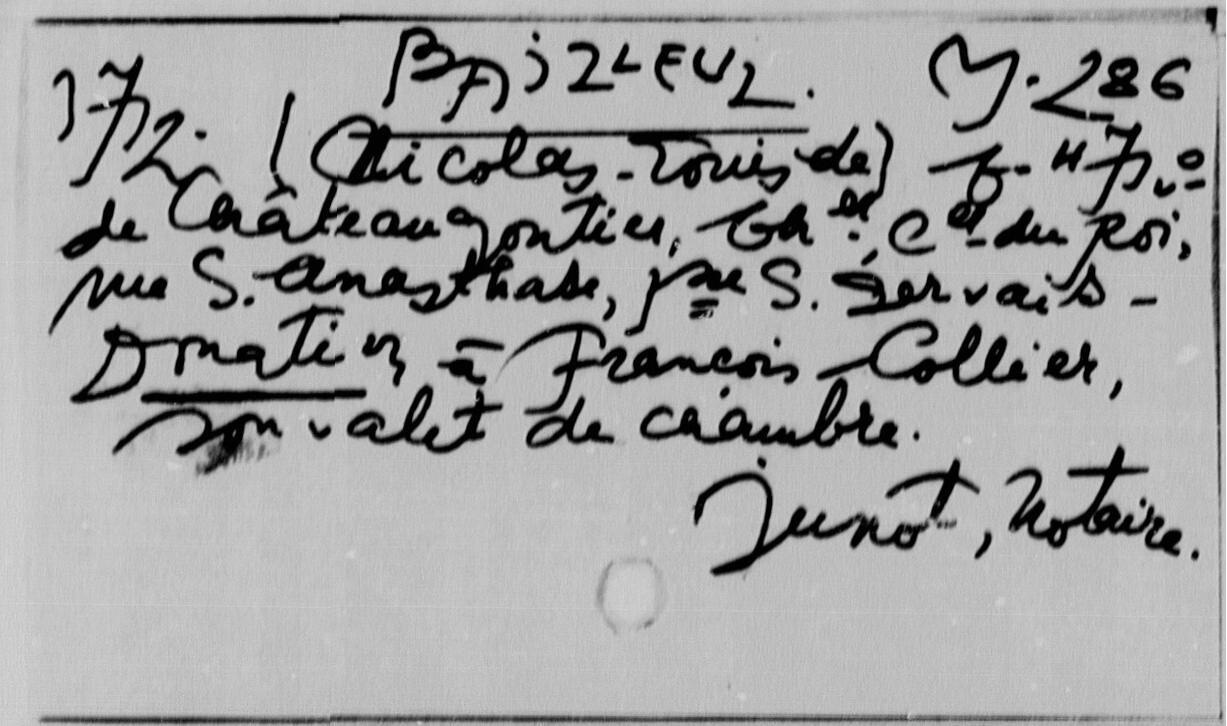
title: BAILLEUL (Nicolas-Louis de)
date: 1712
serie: Y
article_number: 286
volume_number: folio 471v
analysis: de Château-Gontier, chevalier, conseiller du roi, rue Sainte-Anasthase, paroisse Saint-Gervais Donation à François Collier, son valet de chambre Junot, notaire
